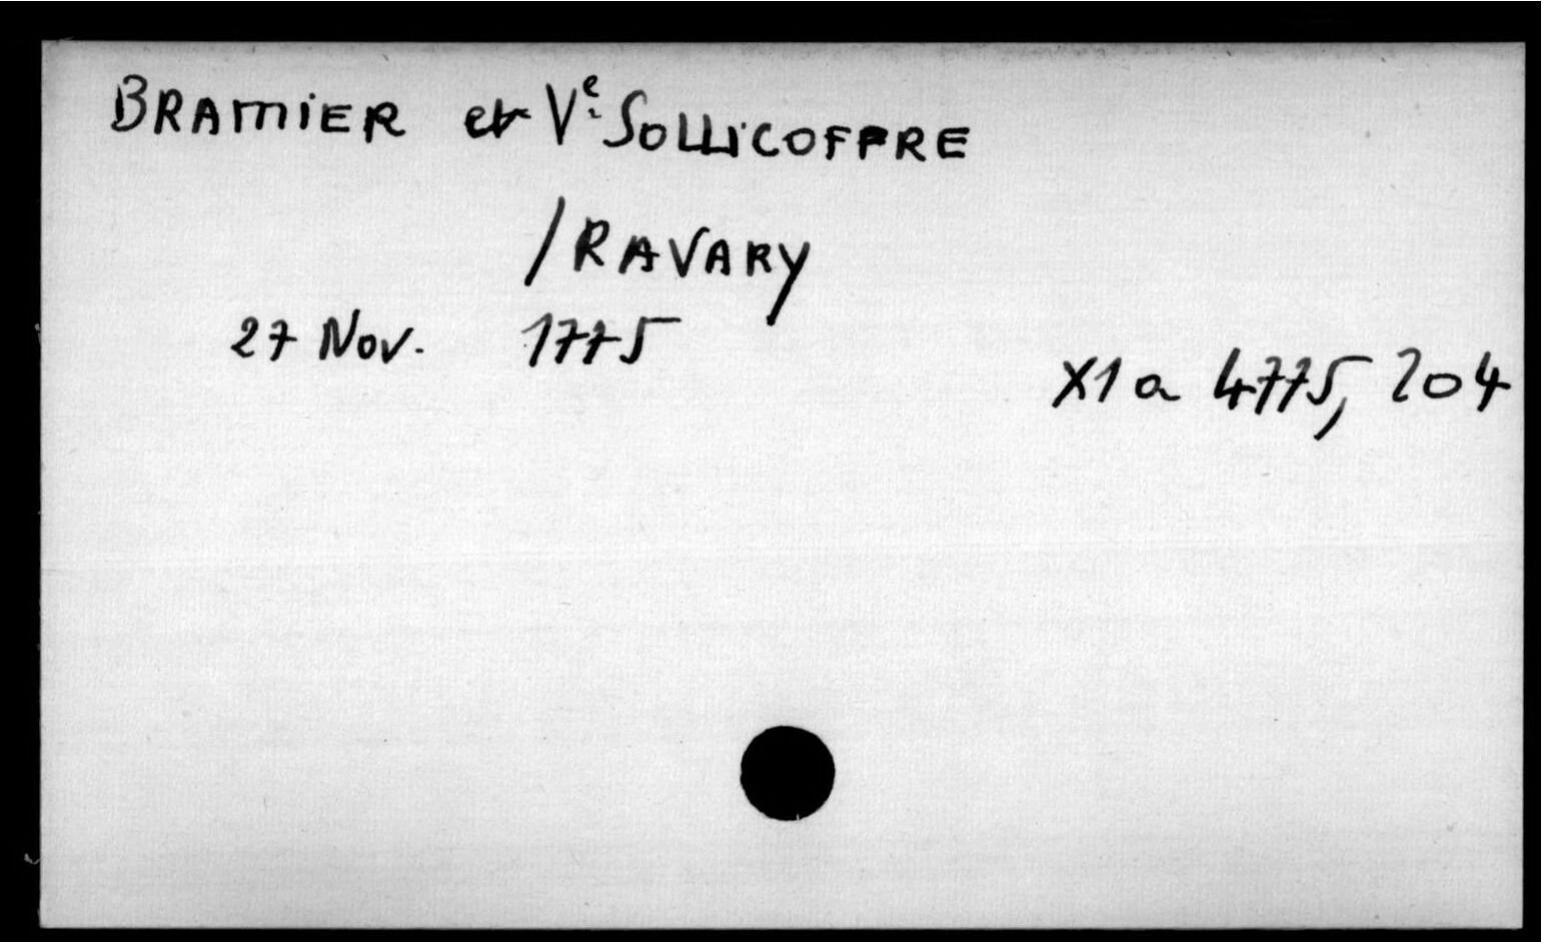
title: BRAMIER et Veuve SOLLICOFRRE
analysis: Contre RAVARY
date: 27 novembre 1775
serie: X1a
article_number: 4775
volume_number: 204
